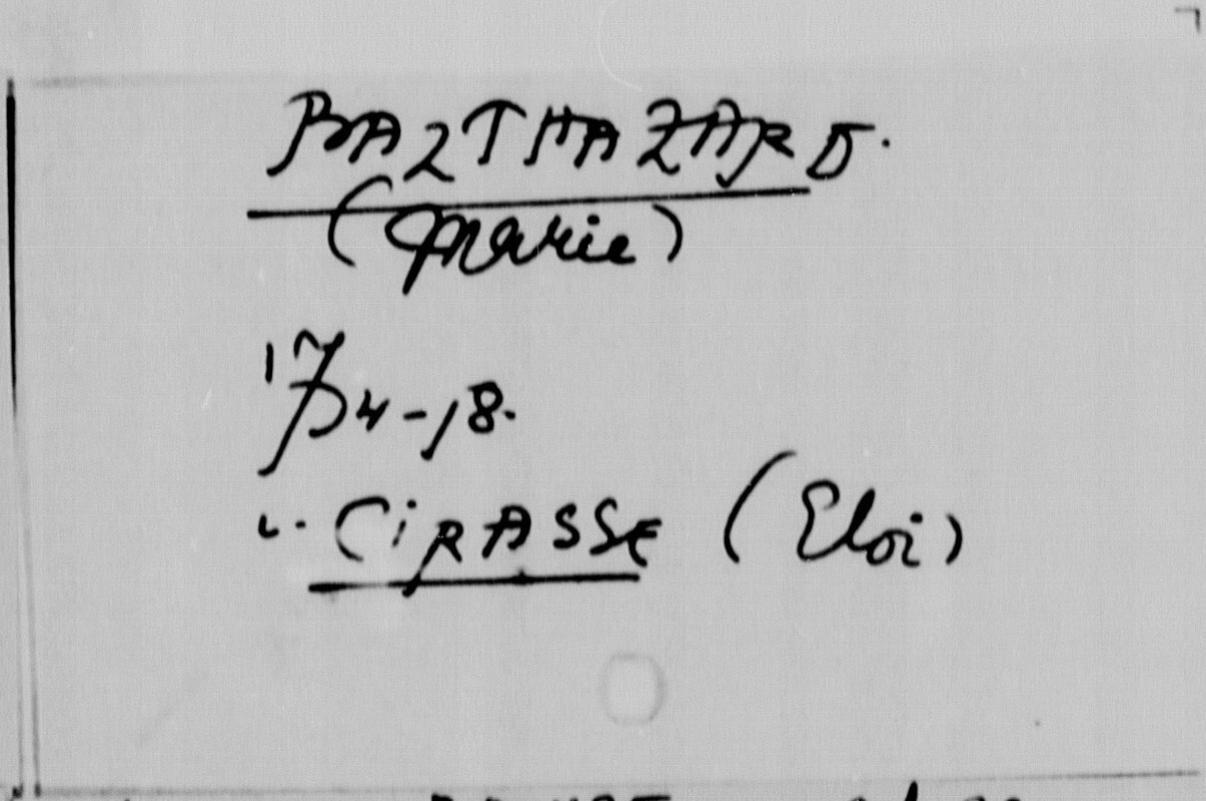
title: BALTHAZARD (Marie)
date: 1714-1718
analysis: Voir CIRASSE (Eloi)
